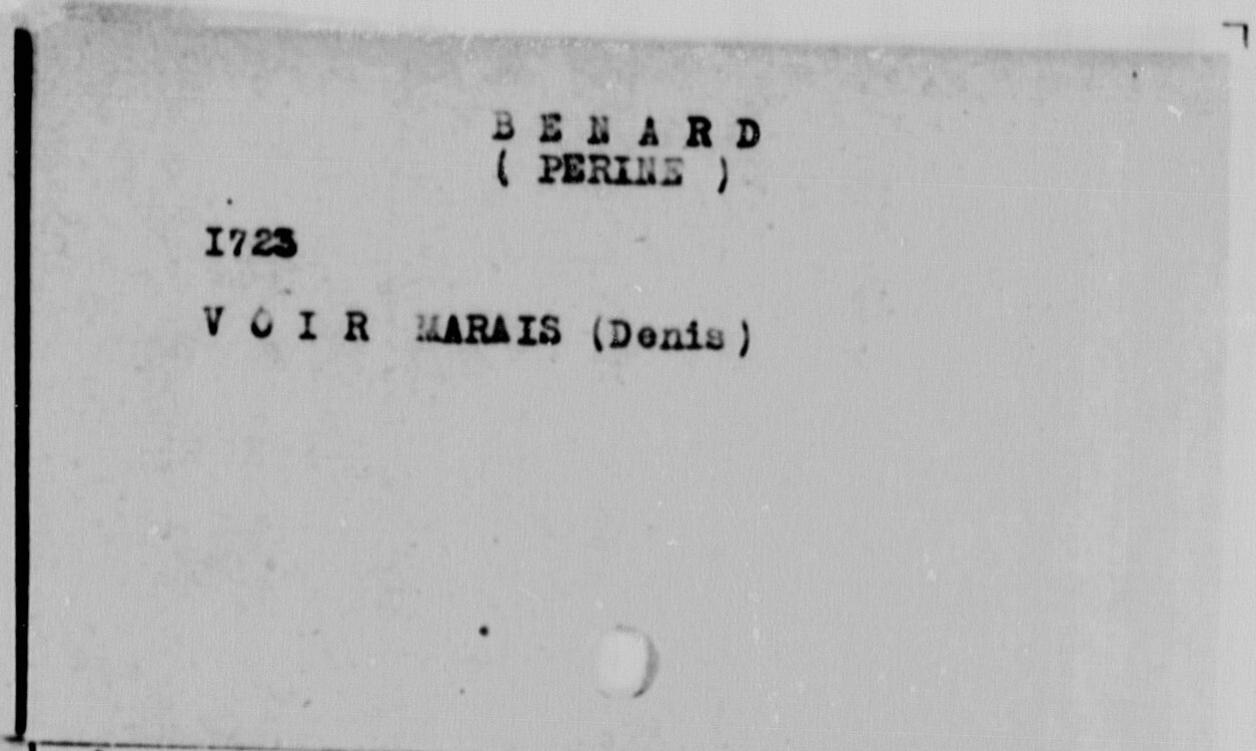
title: BENARD (Périne)
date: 1725
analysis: VOIR : MARAIS (Denis)
